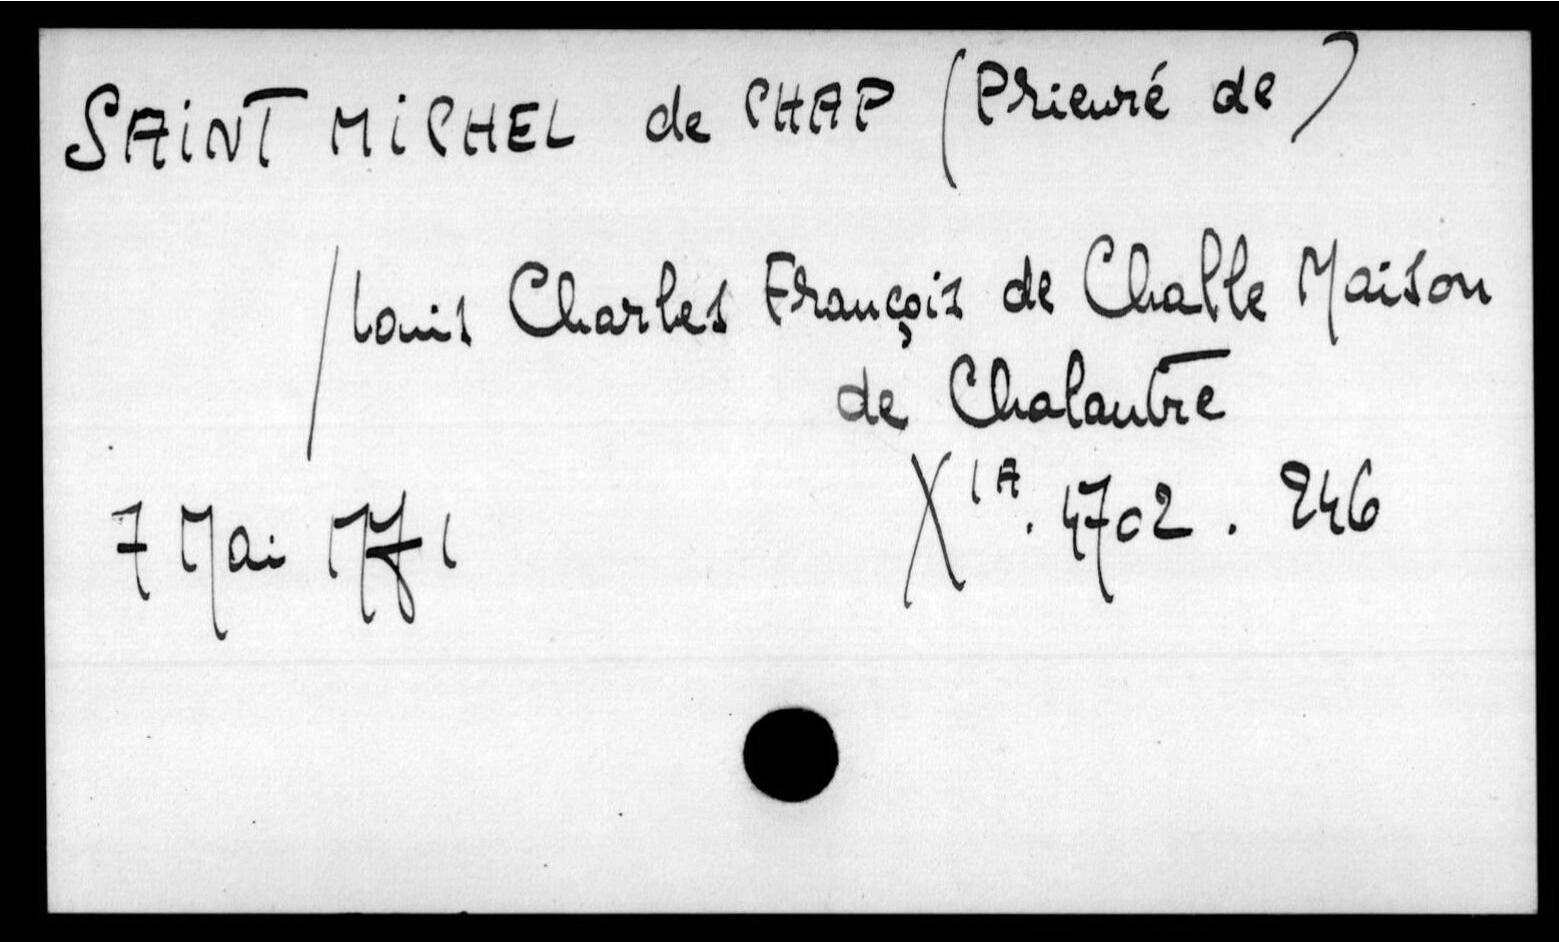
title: SAINT MICHEL de CHAP (Prieuré de)
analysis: Contre Louis Charles François de Challe Maison de Chalautre
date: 7 mai 1771
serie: X1A
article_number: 4702
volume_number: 246
